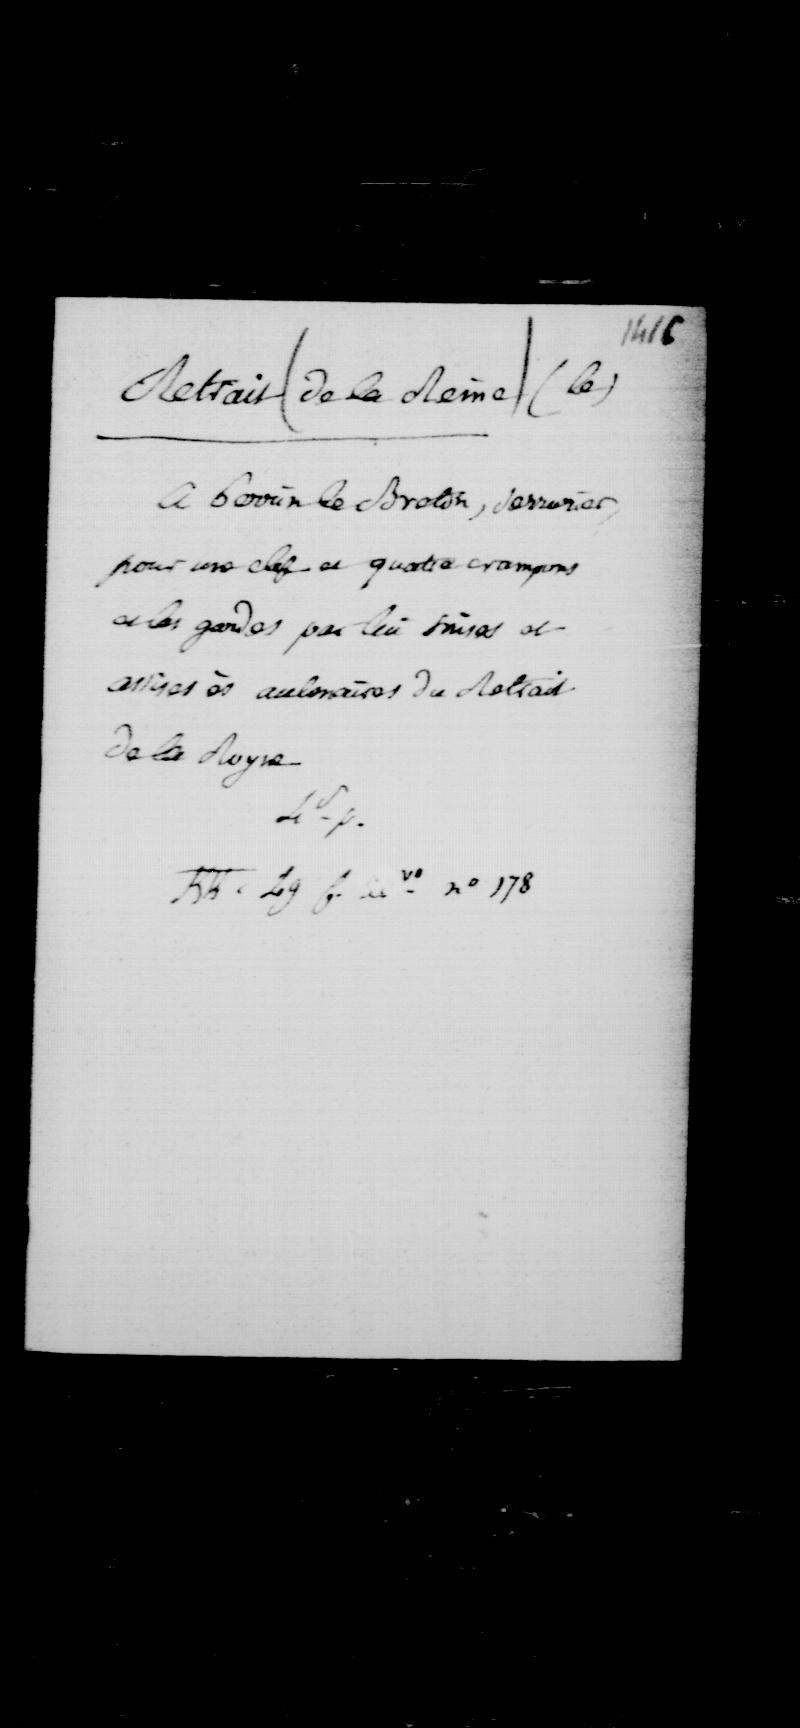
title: Retrait (de la Reine) (le)
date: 1416
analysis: A Perrin le Breton, serrurier, pour une clef et quatre crampons et les
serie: KK
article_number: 49
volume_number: f. n. v° n° 178
